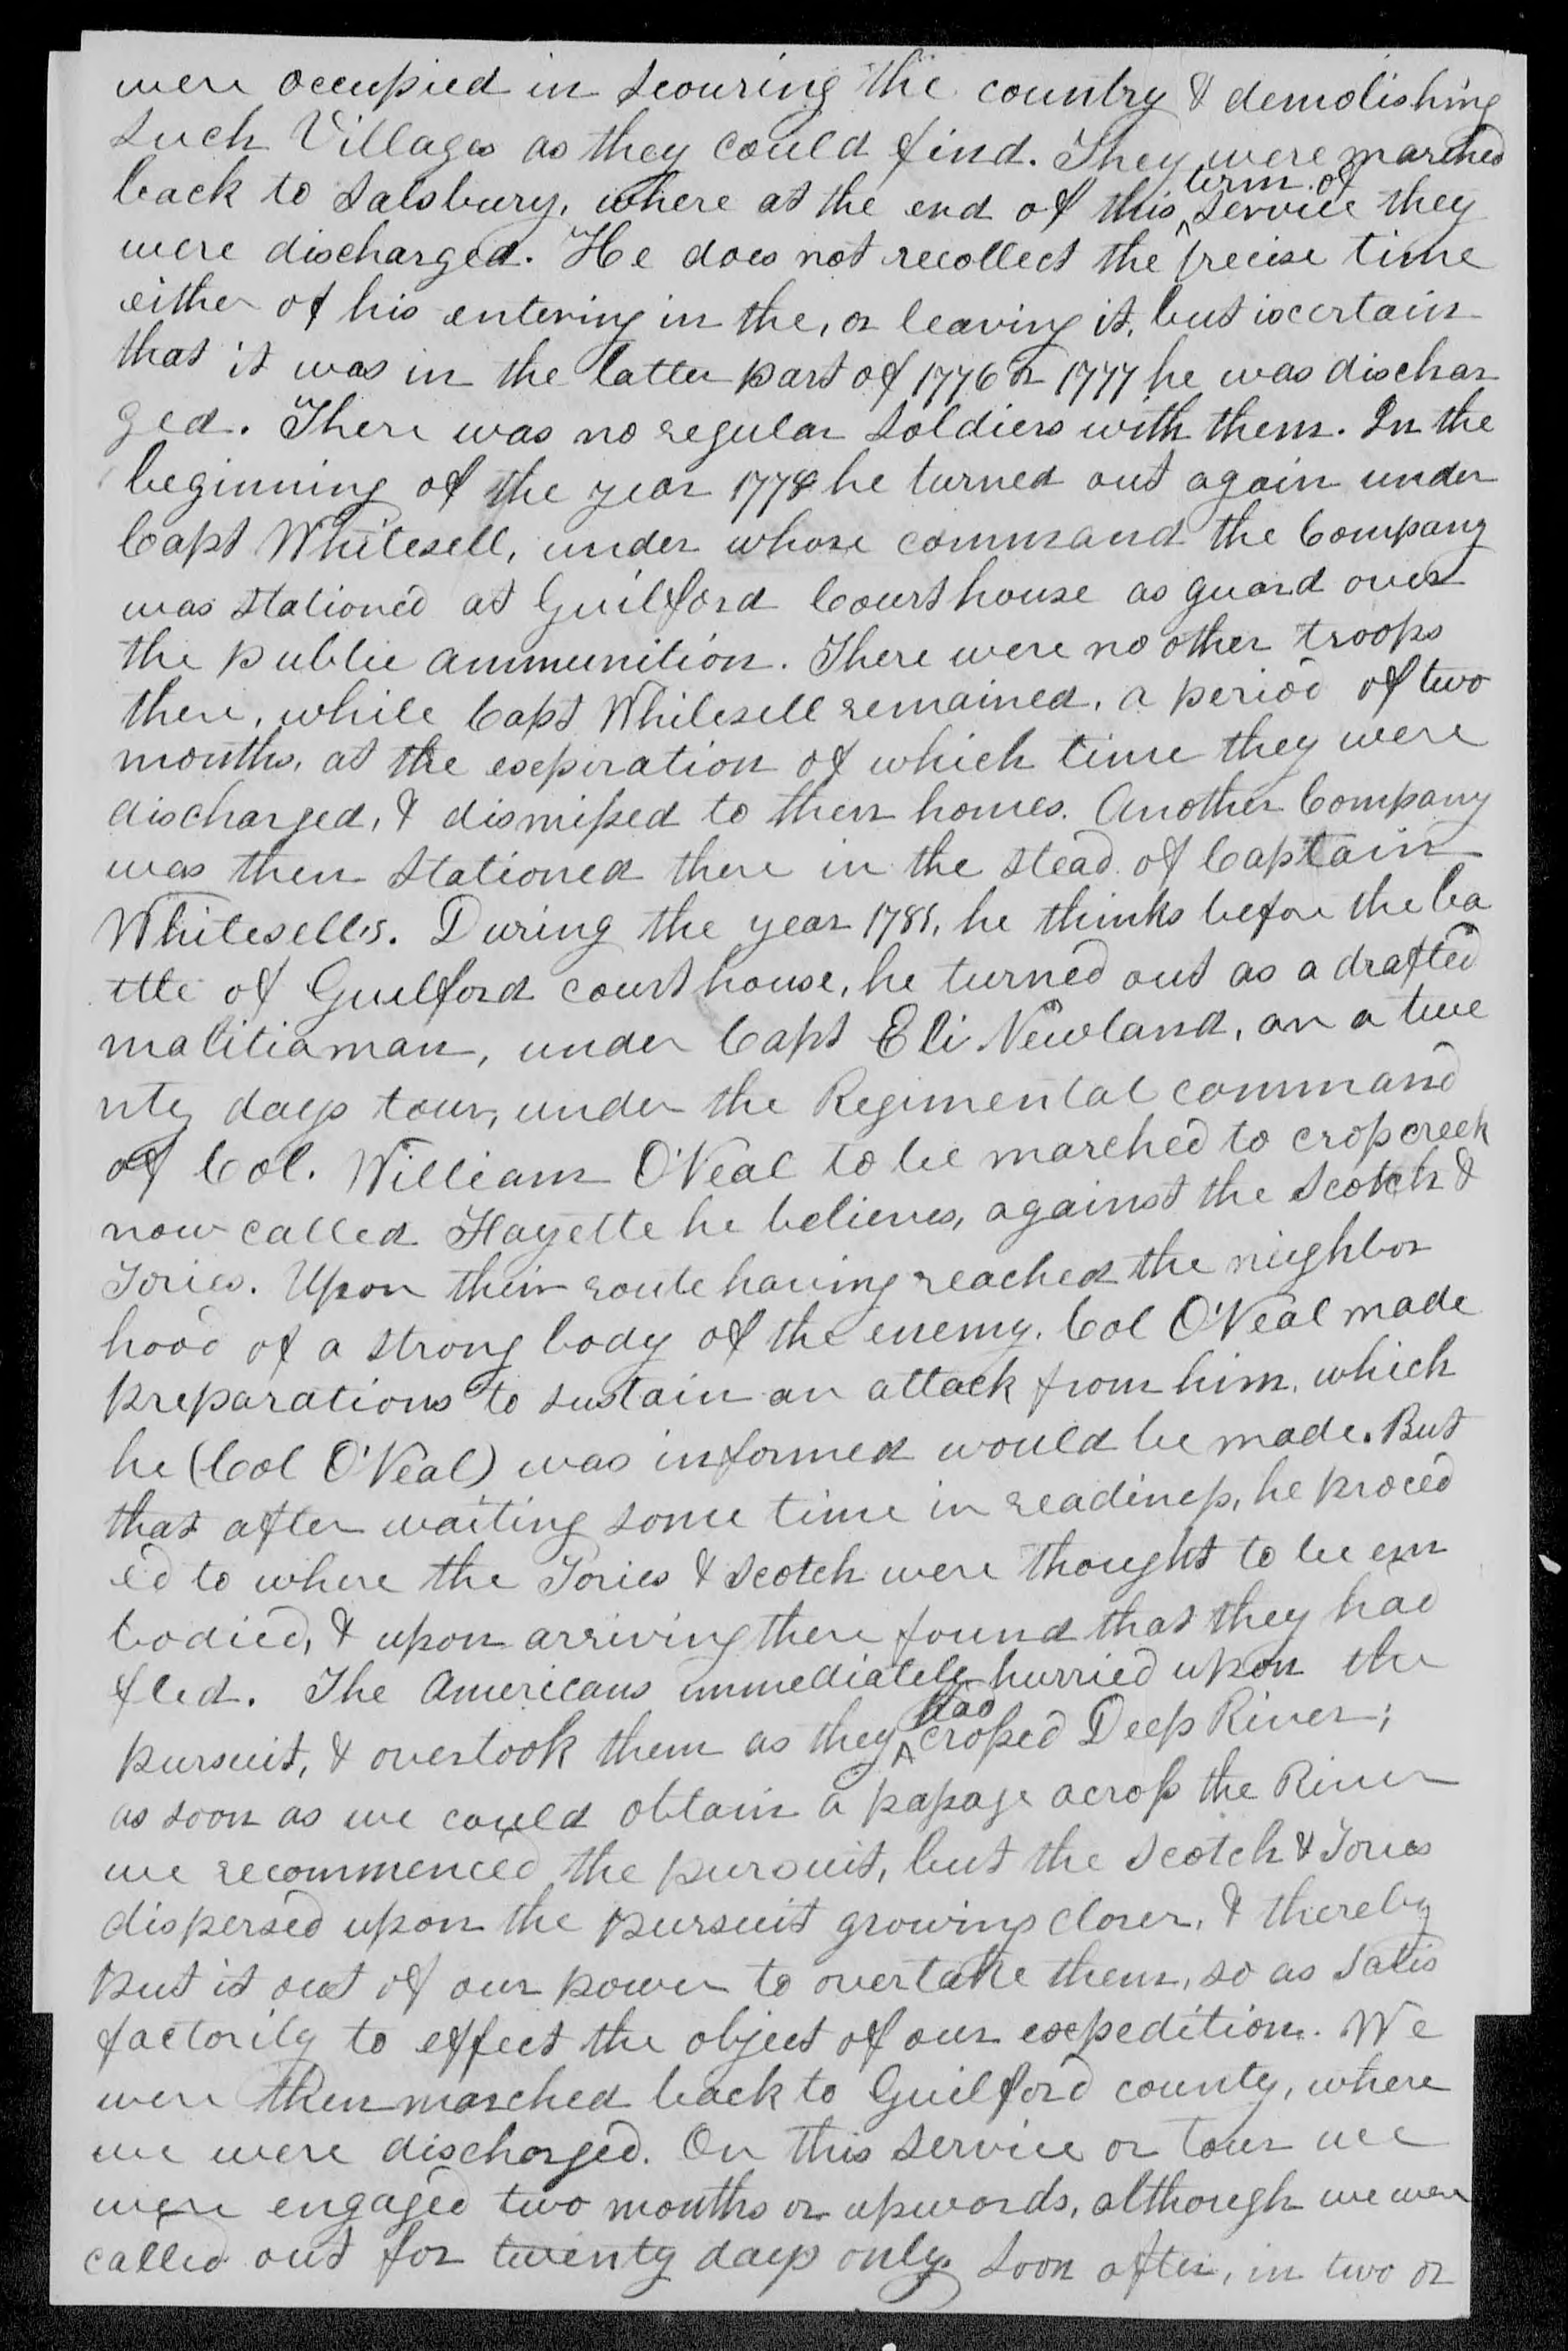were occupied in scouring the country & demolishing
such Villages as they could find. They were marched
back to Salsbury, where at the end of this term of Service they
were discharged. He does not recollect the precise time
either of his entering in the, or leaving it, but is certain
that it was in the latter part of 1776 or 1777 he was dischar
ged. There was no regular soldiers with them. In the
beginning of the year 1778 he turned out again under
Capt Whitesell, under whose command the Company
was stationed at Guilford Courthouse as guard over
the public ammunition. There were no other troops
there, while Capt Whitesell remained, a period of two
months, at the expiration of which time they were
discharged, & dismissed to their homes. Another Company
was then stationed there in the stead of Captain
Whitesells. During the year 1781, he thinks before the ba
ttle of Guilford court house, he turned out as a drafted
malitiaman [militiaman], under Capt Eli Newland, an a twe
nty days tour, under the Regimental command
of Col. William O'Neal to be marched to cross creek
now called Fayette he believes, against the Scotch &
Tories. Upon their route having reached the neighbor
hood of a strong body of the enemy, Col O'Neal made
preparations to sustain an attack from him which
he (Col O'Neal) was informed would be made. But
that after waiting some time in readiness, he proced
ed to where the Tories & Scotch were thought to be em
bodied, & upon arriving there found that they had
fled. The Americans immediately hurried upon the
pursuit, & overtook them as they had crossed Deep River;
as soon as we could obtain a passage across the River
we recommenced the pursuit, but the Scotch & Tories
dispersed upon the pursuit growing closer, & thereby
put it out of our power to overtake them, so as satis
factorily to effect the object of our expedition. We
were then marched back to Guilford county, where
we were discharged. On this service or tour we
were engaged two months or upwards, although we were ┃
called out for twenty days only.  Soon after, in two or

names: Eli Newland, O'Neal, Whitesell, Whitesell, William O'Neal, O'Neal, Whitesell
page: 4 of 23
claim: survivor's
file: S. 30,937, Adam Clapp, N.C.